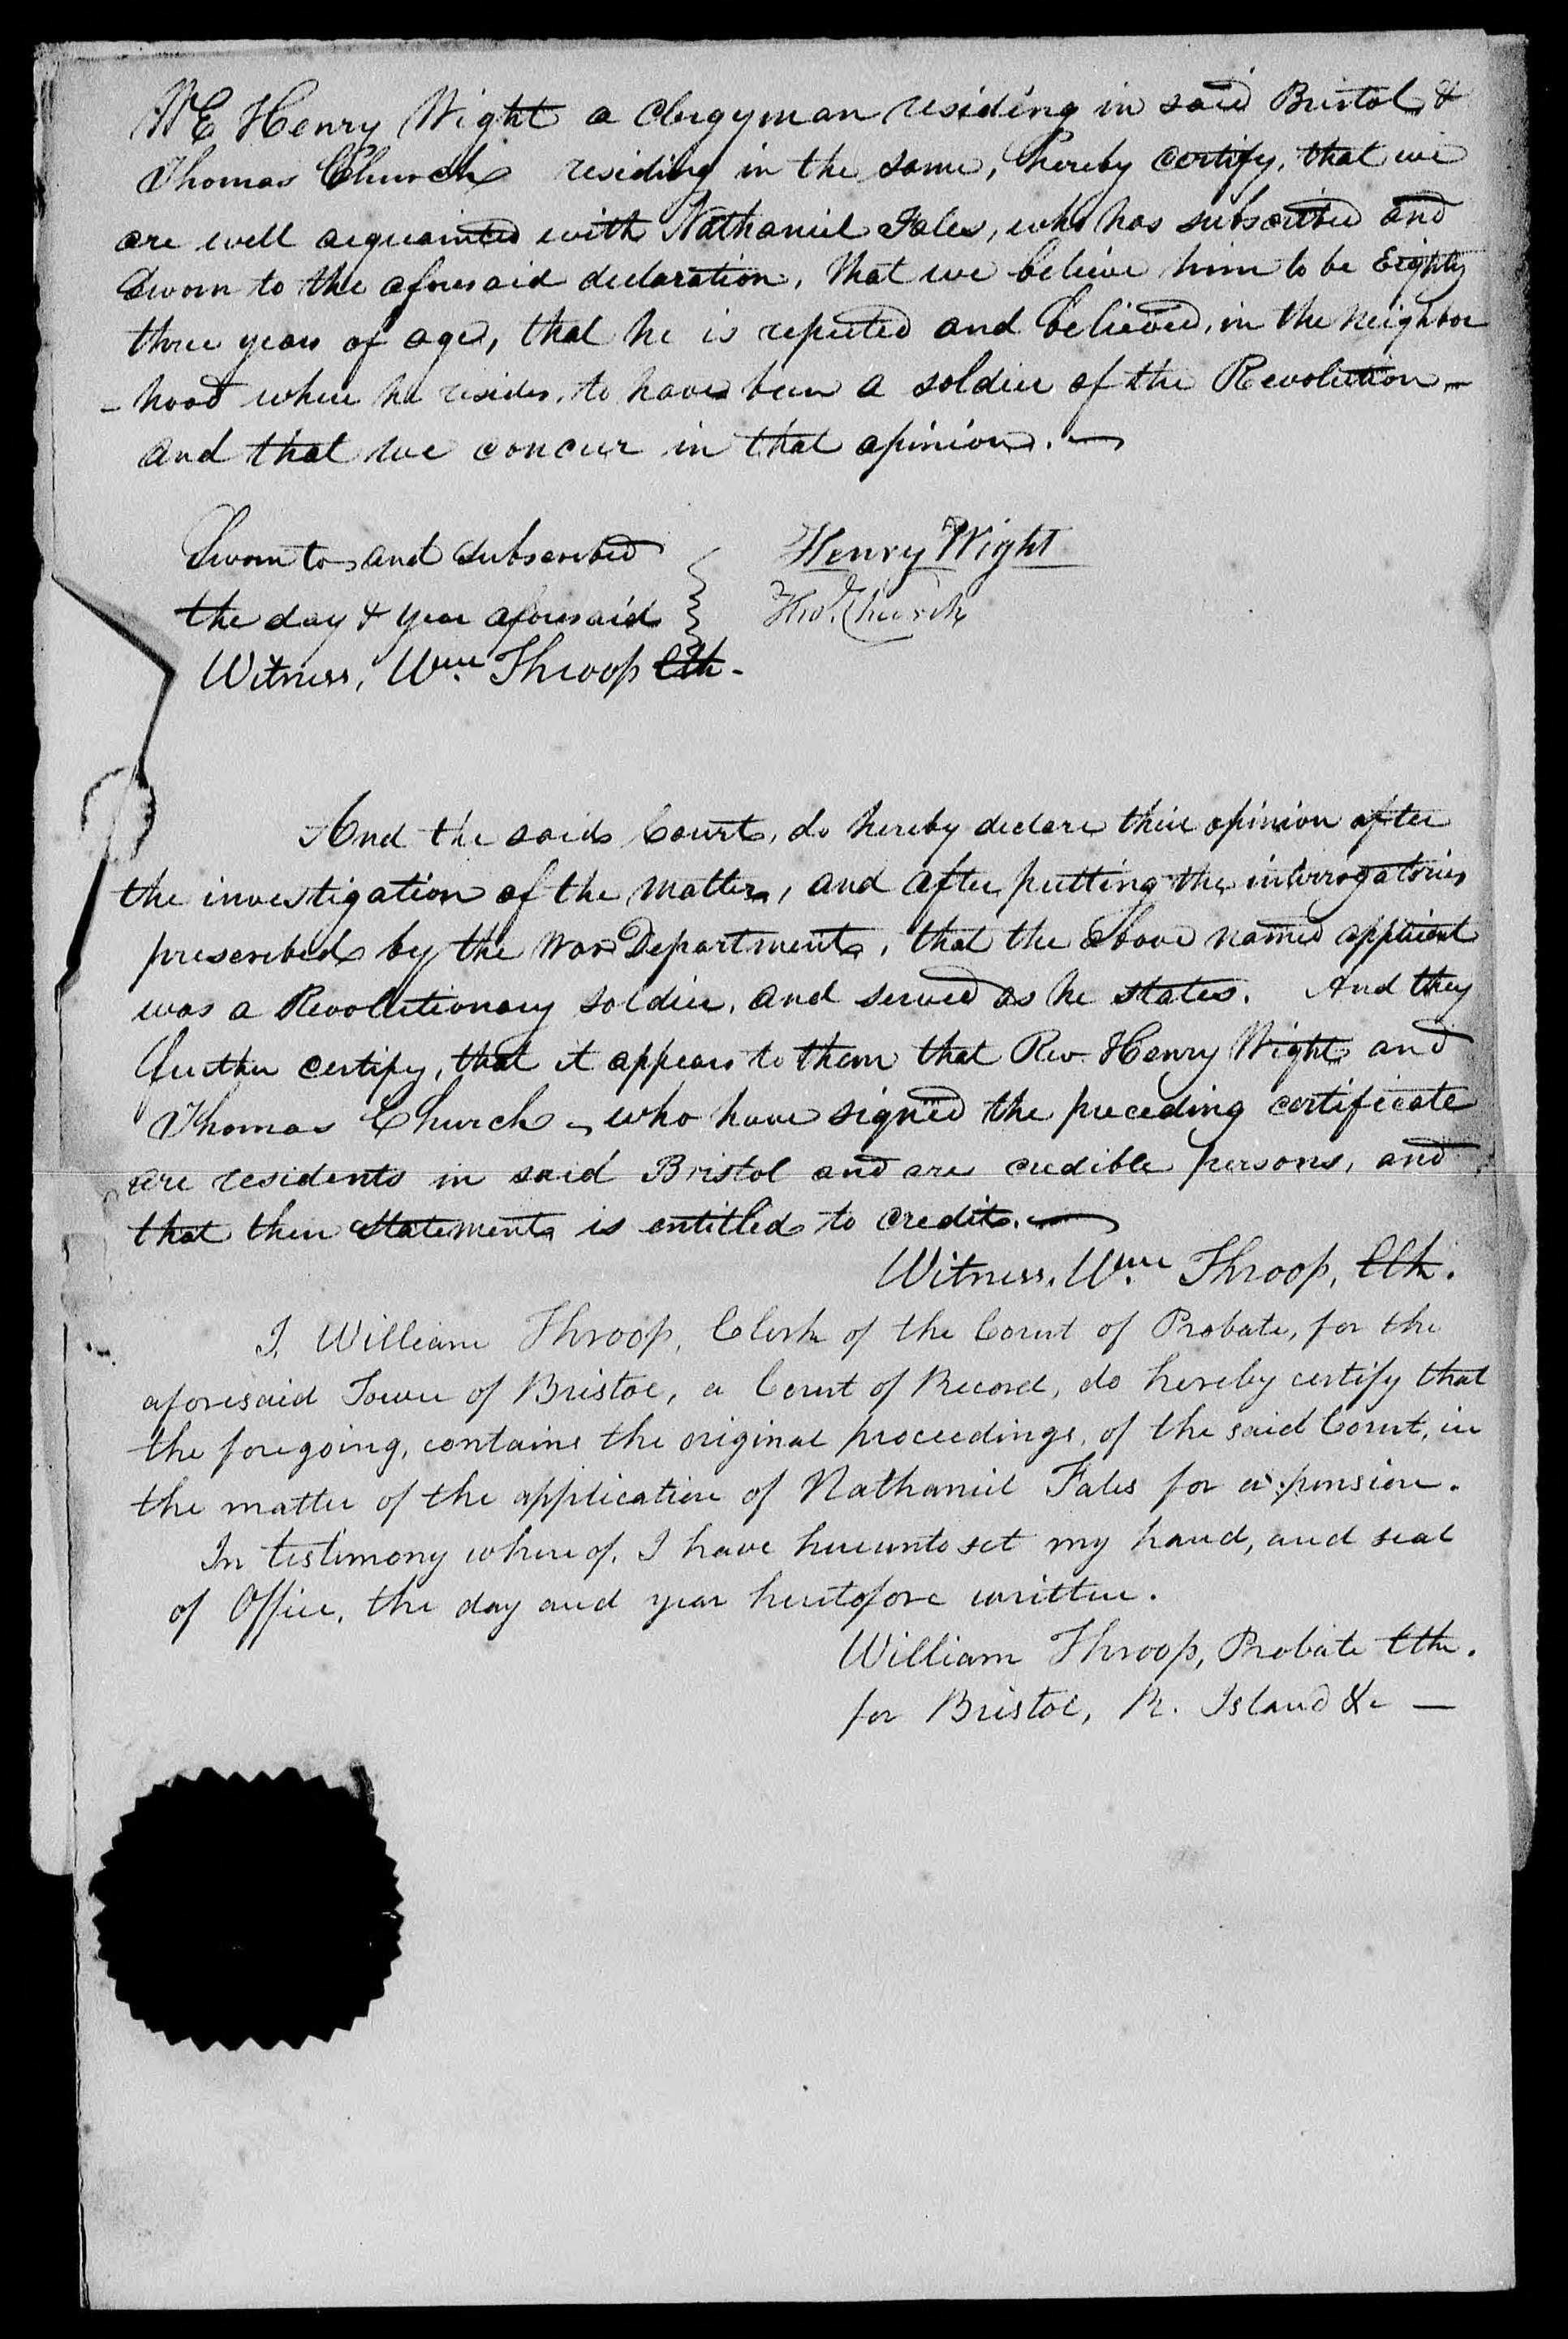Henry Wright a clergyman residing in said Bristol & Thomas Church residing in the same hereby certify that we are well acquainted with Nathaniel Foles who has subscribed and sworn to the aforesaid declaration that we believe him to be eighty three years of age that he is reputed and believed in the neighborhood where he resides to have been a soldier of the revolution and that we concur in that opinion.
Henry Wright 
Tho.s Church
Sworn to and subscribed the day & year aforesaid witness Wm Throop

And the said courts do hereby declare their opinion after the investigation of the matter and after putting the interrogation prescribed by the war departments, that the above named applicant was a revolutionary soldier and served as he states. And they further certify that it appears to them that Rev. Henry Wright and Thomas Church who have signed the proceeding certificate are residents in said Bristol and are credible persons and that their statements is entitled to credits. 
Witness Wm. Throop Clk

I William Throop clerk of the court of Probate for the aforesaid Town of Bristol a court of record do hereby certify that the foregoing contains the original proceedings of the said court in the matter of the application of Nathaniel Fales for a pension. 
In testimony whereof I have hereunto set my hand and seal of office the day and year heretofore written. 
William Throop Probate Clk
for Bristol, R. Island &c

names: Wm Throop, William Throop, Thomas Church, Nathaniel Fales, Henry Wight, William Throop, Henry Wight, Thomas Church, Henry Wight, Wm Throop, Nathaniel Fales, Thos Church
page: 6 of 32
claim: widow's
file: W. 24,173, Nathaniel Fales, R.I.